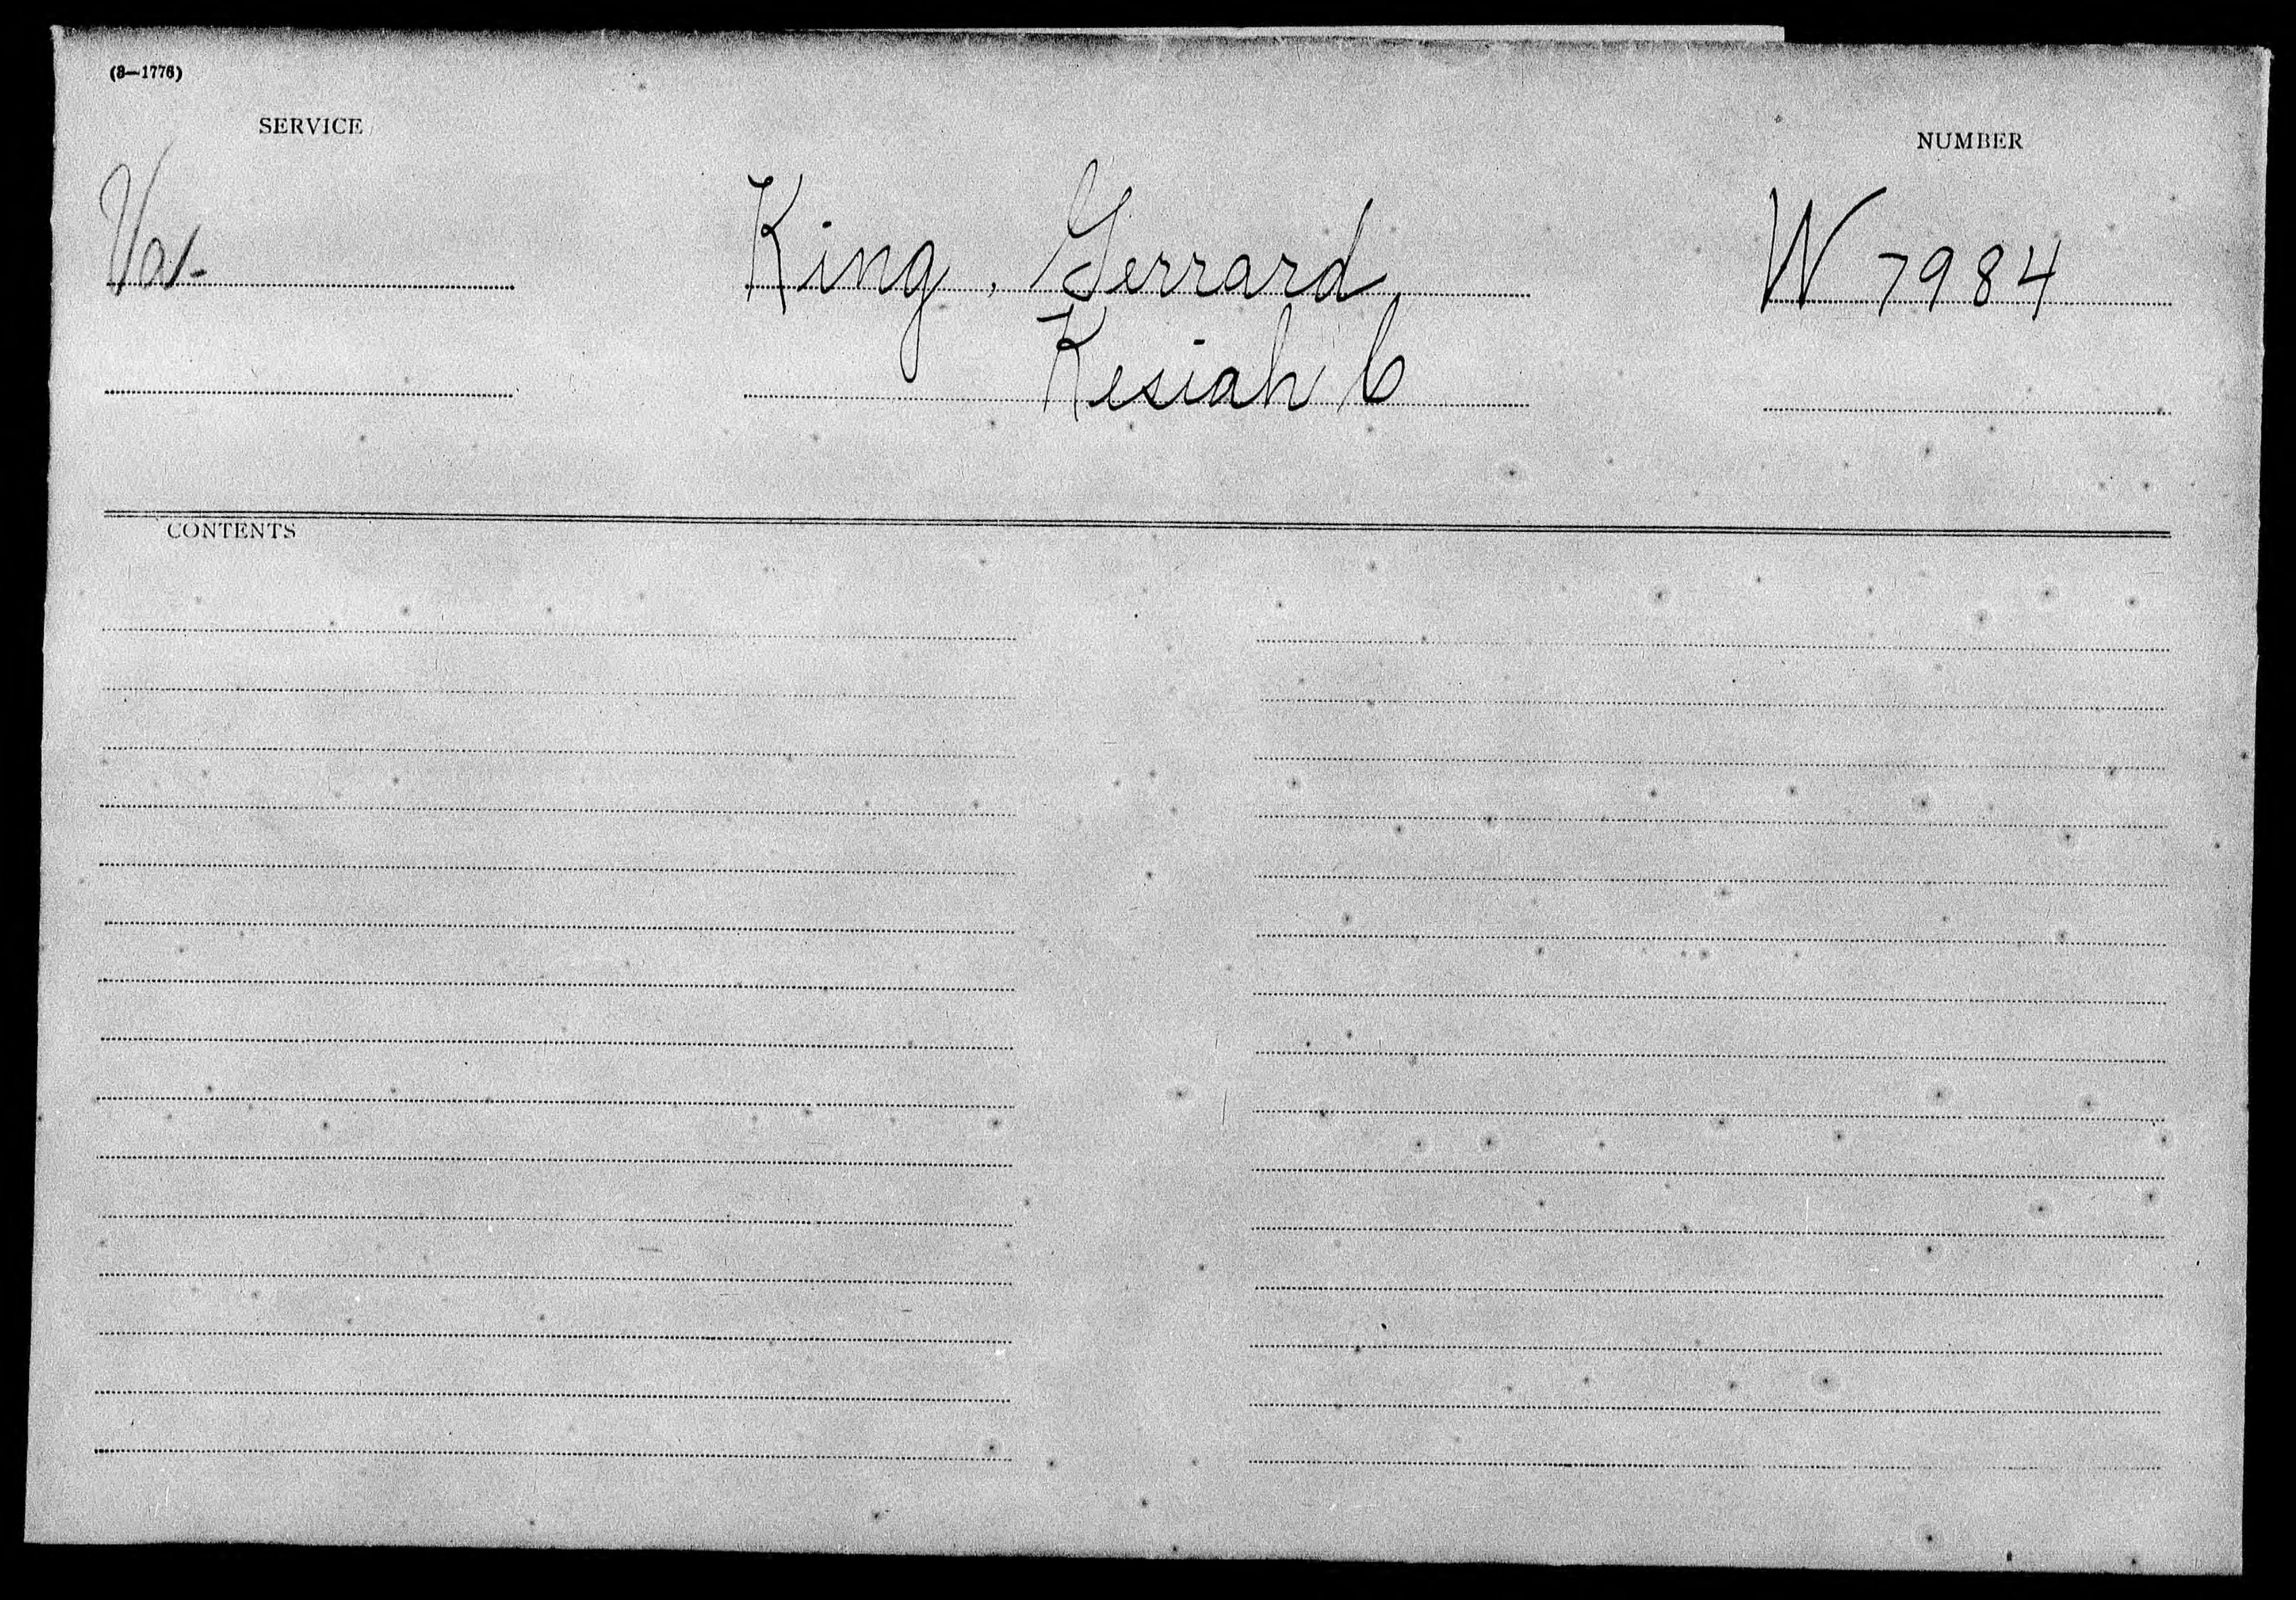SERVICE
Va

King, Gerrard
         Kesiah I.

NUMBER
W 7984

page: 1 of 45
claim: widow's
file: W. 7984, for Gerrard King, Virginia